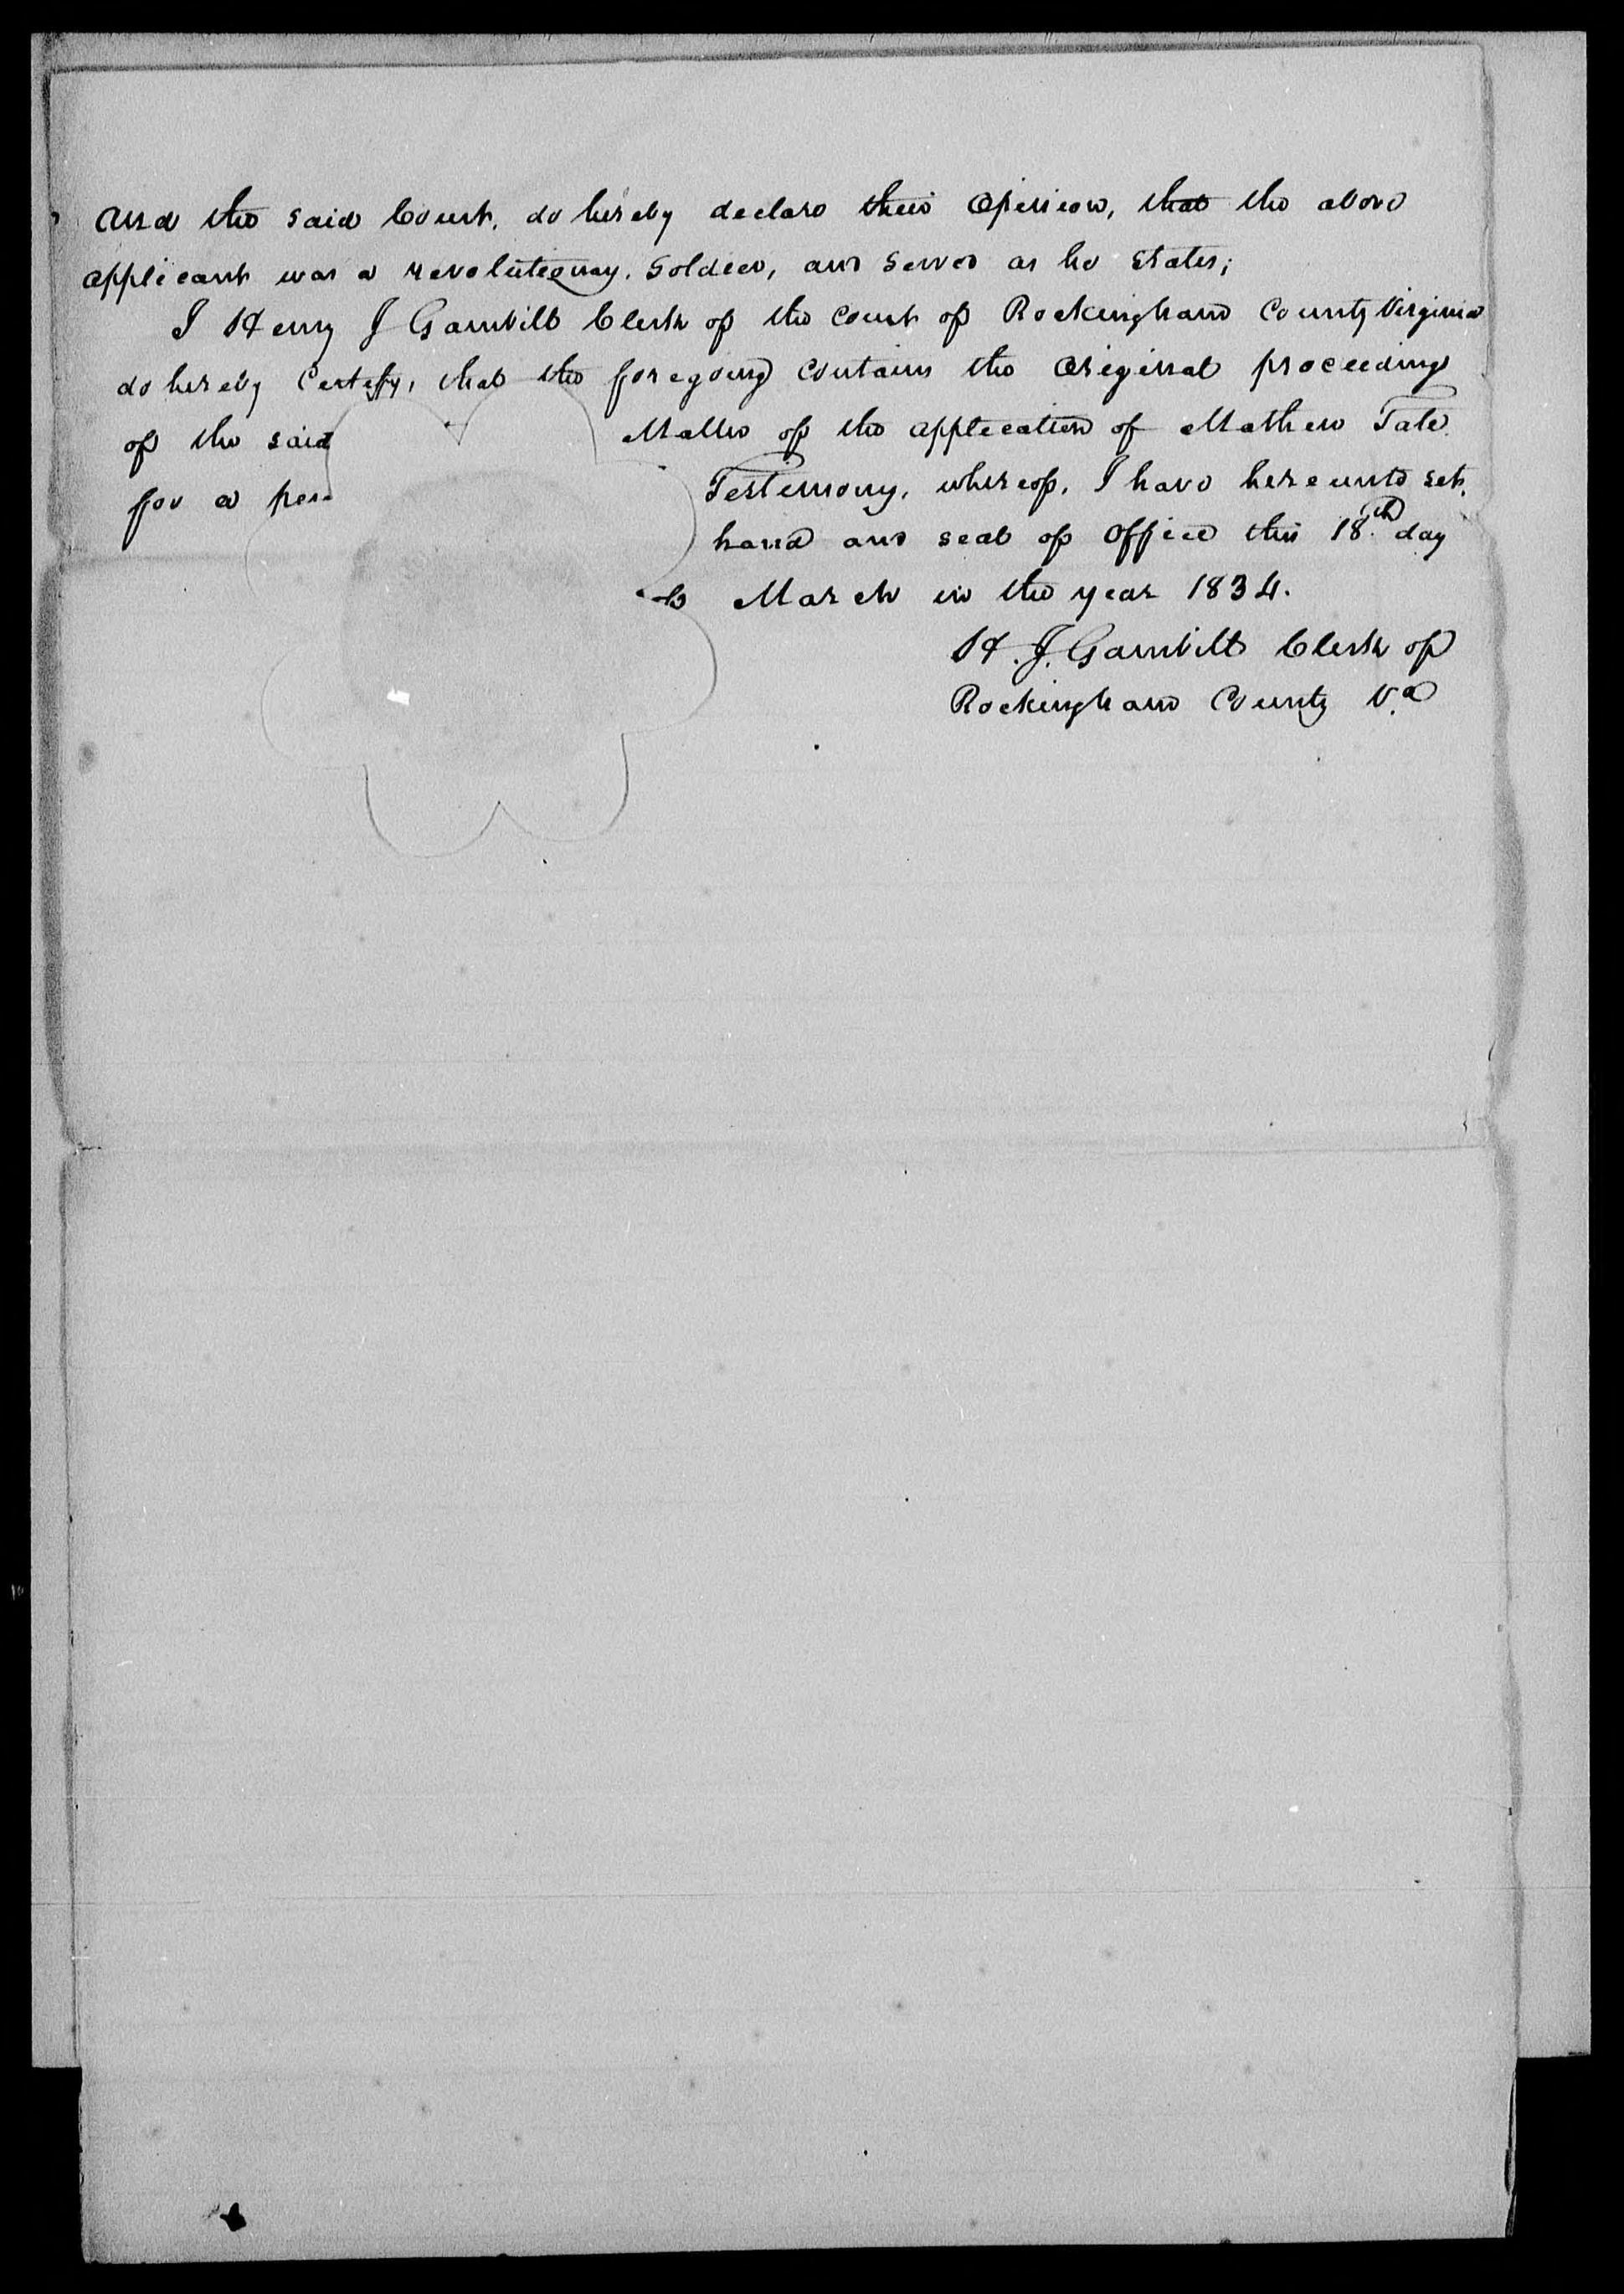and who said Court, do hereby declare their opinion, that who above 
applicant was a revolutionary solider, and serves he states;
I Henry J Gambill Clerk of the court of Roc that the Rockingham County Virginia
do hereby certify that the foregoing contains the original proceeding
of the said 
Maller of the applicant Matthew Tate
for a 
Testimony whereof, I have hereunto set hand and seal of office this 18th day
March in this year 1834
H.J. Gambill Clerk of Rockingham County Va.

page: 6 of 18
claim: survivor's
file: S. 11,508, for Mathew Tate, Virginia